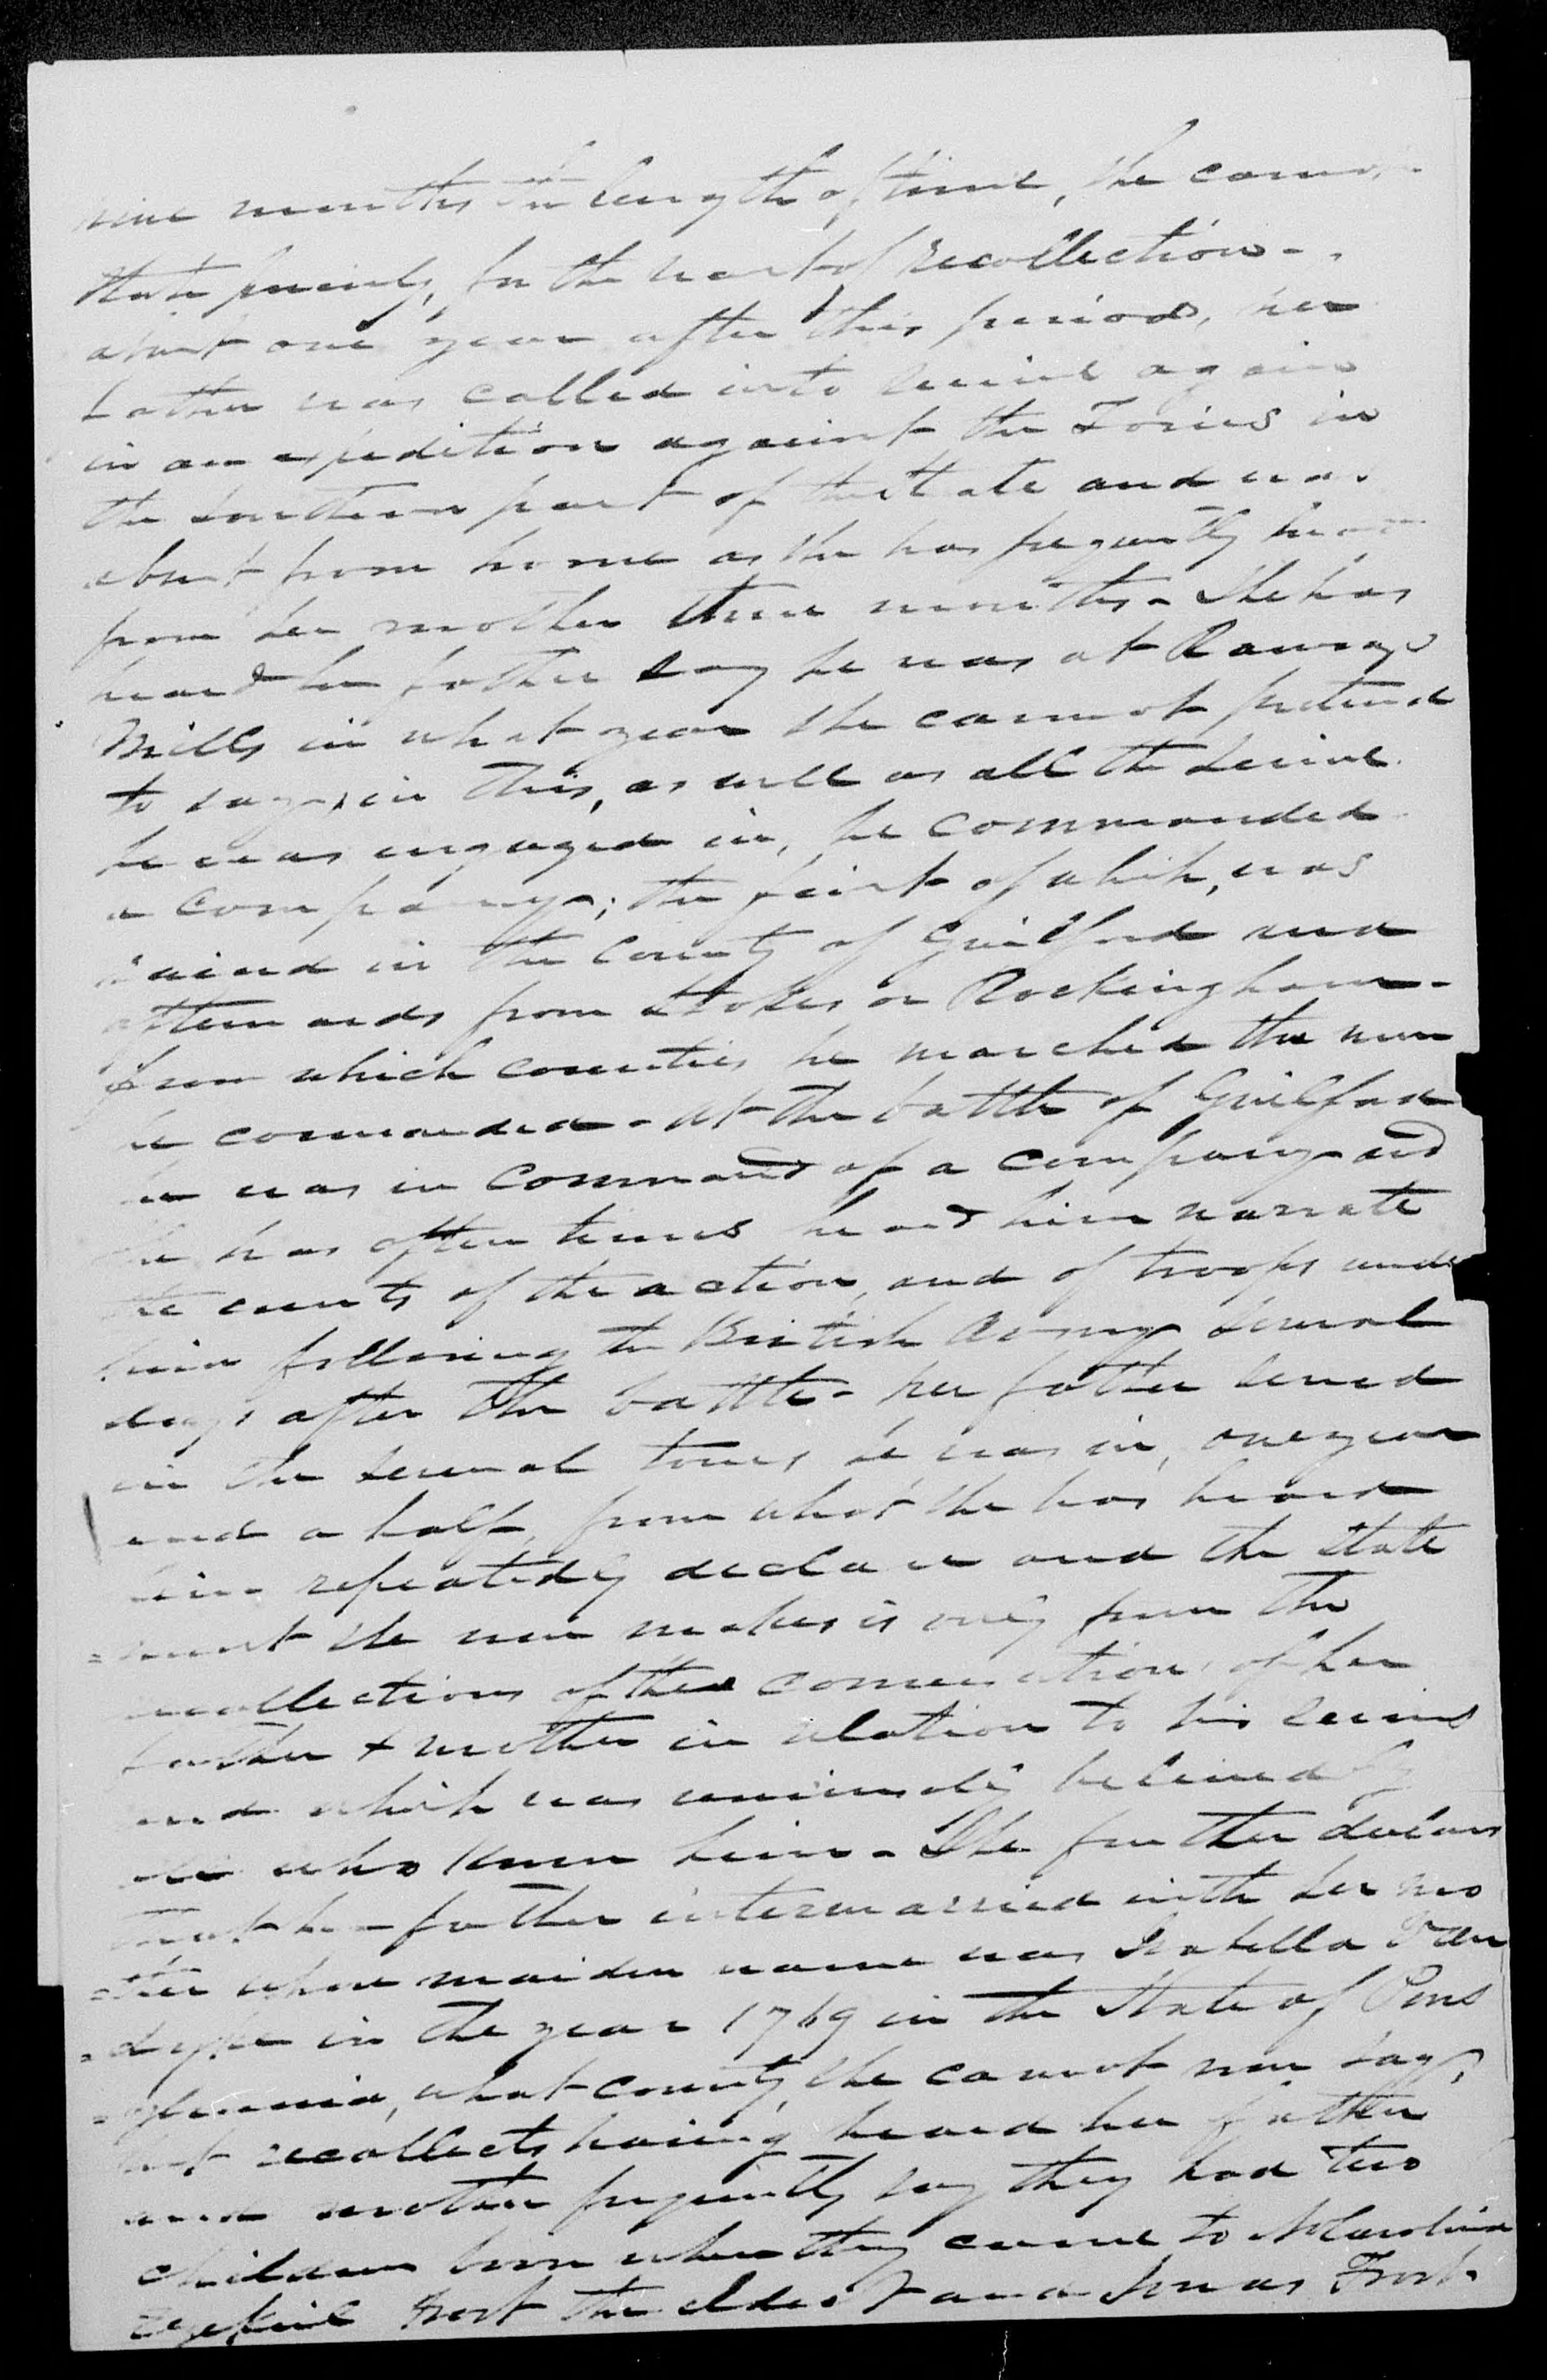[or] nine months the length of time, she cannot state positively, for the [unreadable]  recollections- what one year after this period, her father was called into service again in an expedition against the Tories in the Southern part of the state and was out about from home again as she has frequently heard from her mother three months. She has heard her father say he was at Ramsey’s Mills in what year she cannot pretend to say, in this, as well on all the Service he was engaged in, he commanded a company; the point of which, was raised in the County of Guilford and afterwards from Hoke or Rockingham from which counties he marched the men he commanded - at the battle of Guilford he was in Command of a Company and she has often times had him narrate the events of the action and of troops under him following the British Army Several days after the battle- her father served in the several tours he was in one year and a half from what she has heard and repeatedly declares and the statement she now makes is only from the recollection of the connection of her father & mother in relation to his service and which was convincingly believed by all who knew him. She further declares that her father intermarried with her mother whose maiden name was Isabella Van Dyke in the year 1769 in the State of Pennsylvania, what county, she cannot now say, but recollects having heard her father and mother frequently say they had two children from when they come to N.Carolina Ezekiel Frost the oldest and James Frost.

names: Ezekiel Frost, Jonas Frost, Isabella Van Dyke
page: 3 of 15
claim: rejected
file: R. 3815, James Frost, N.C.